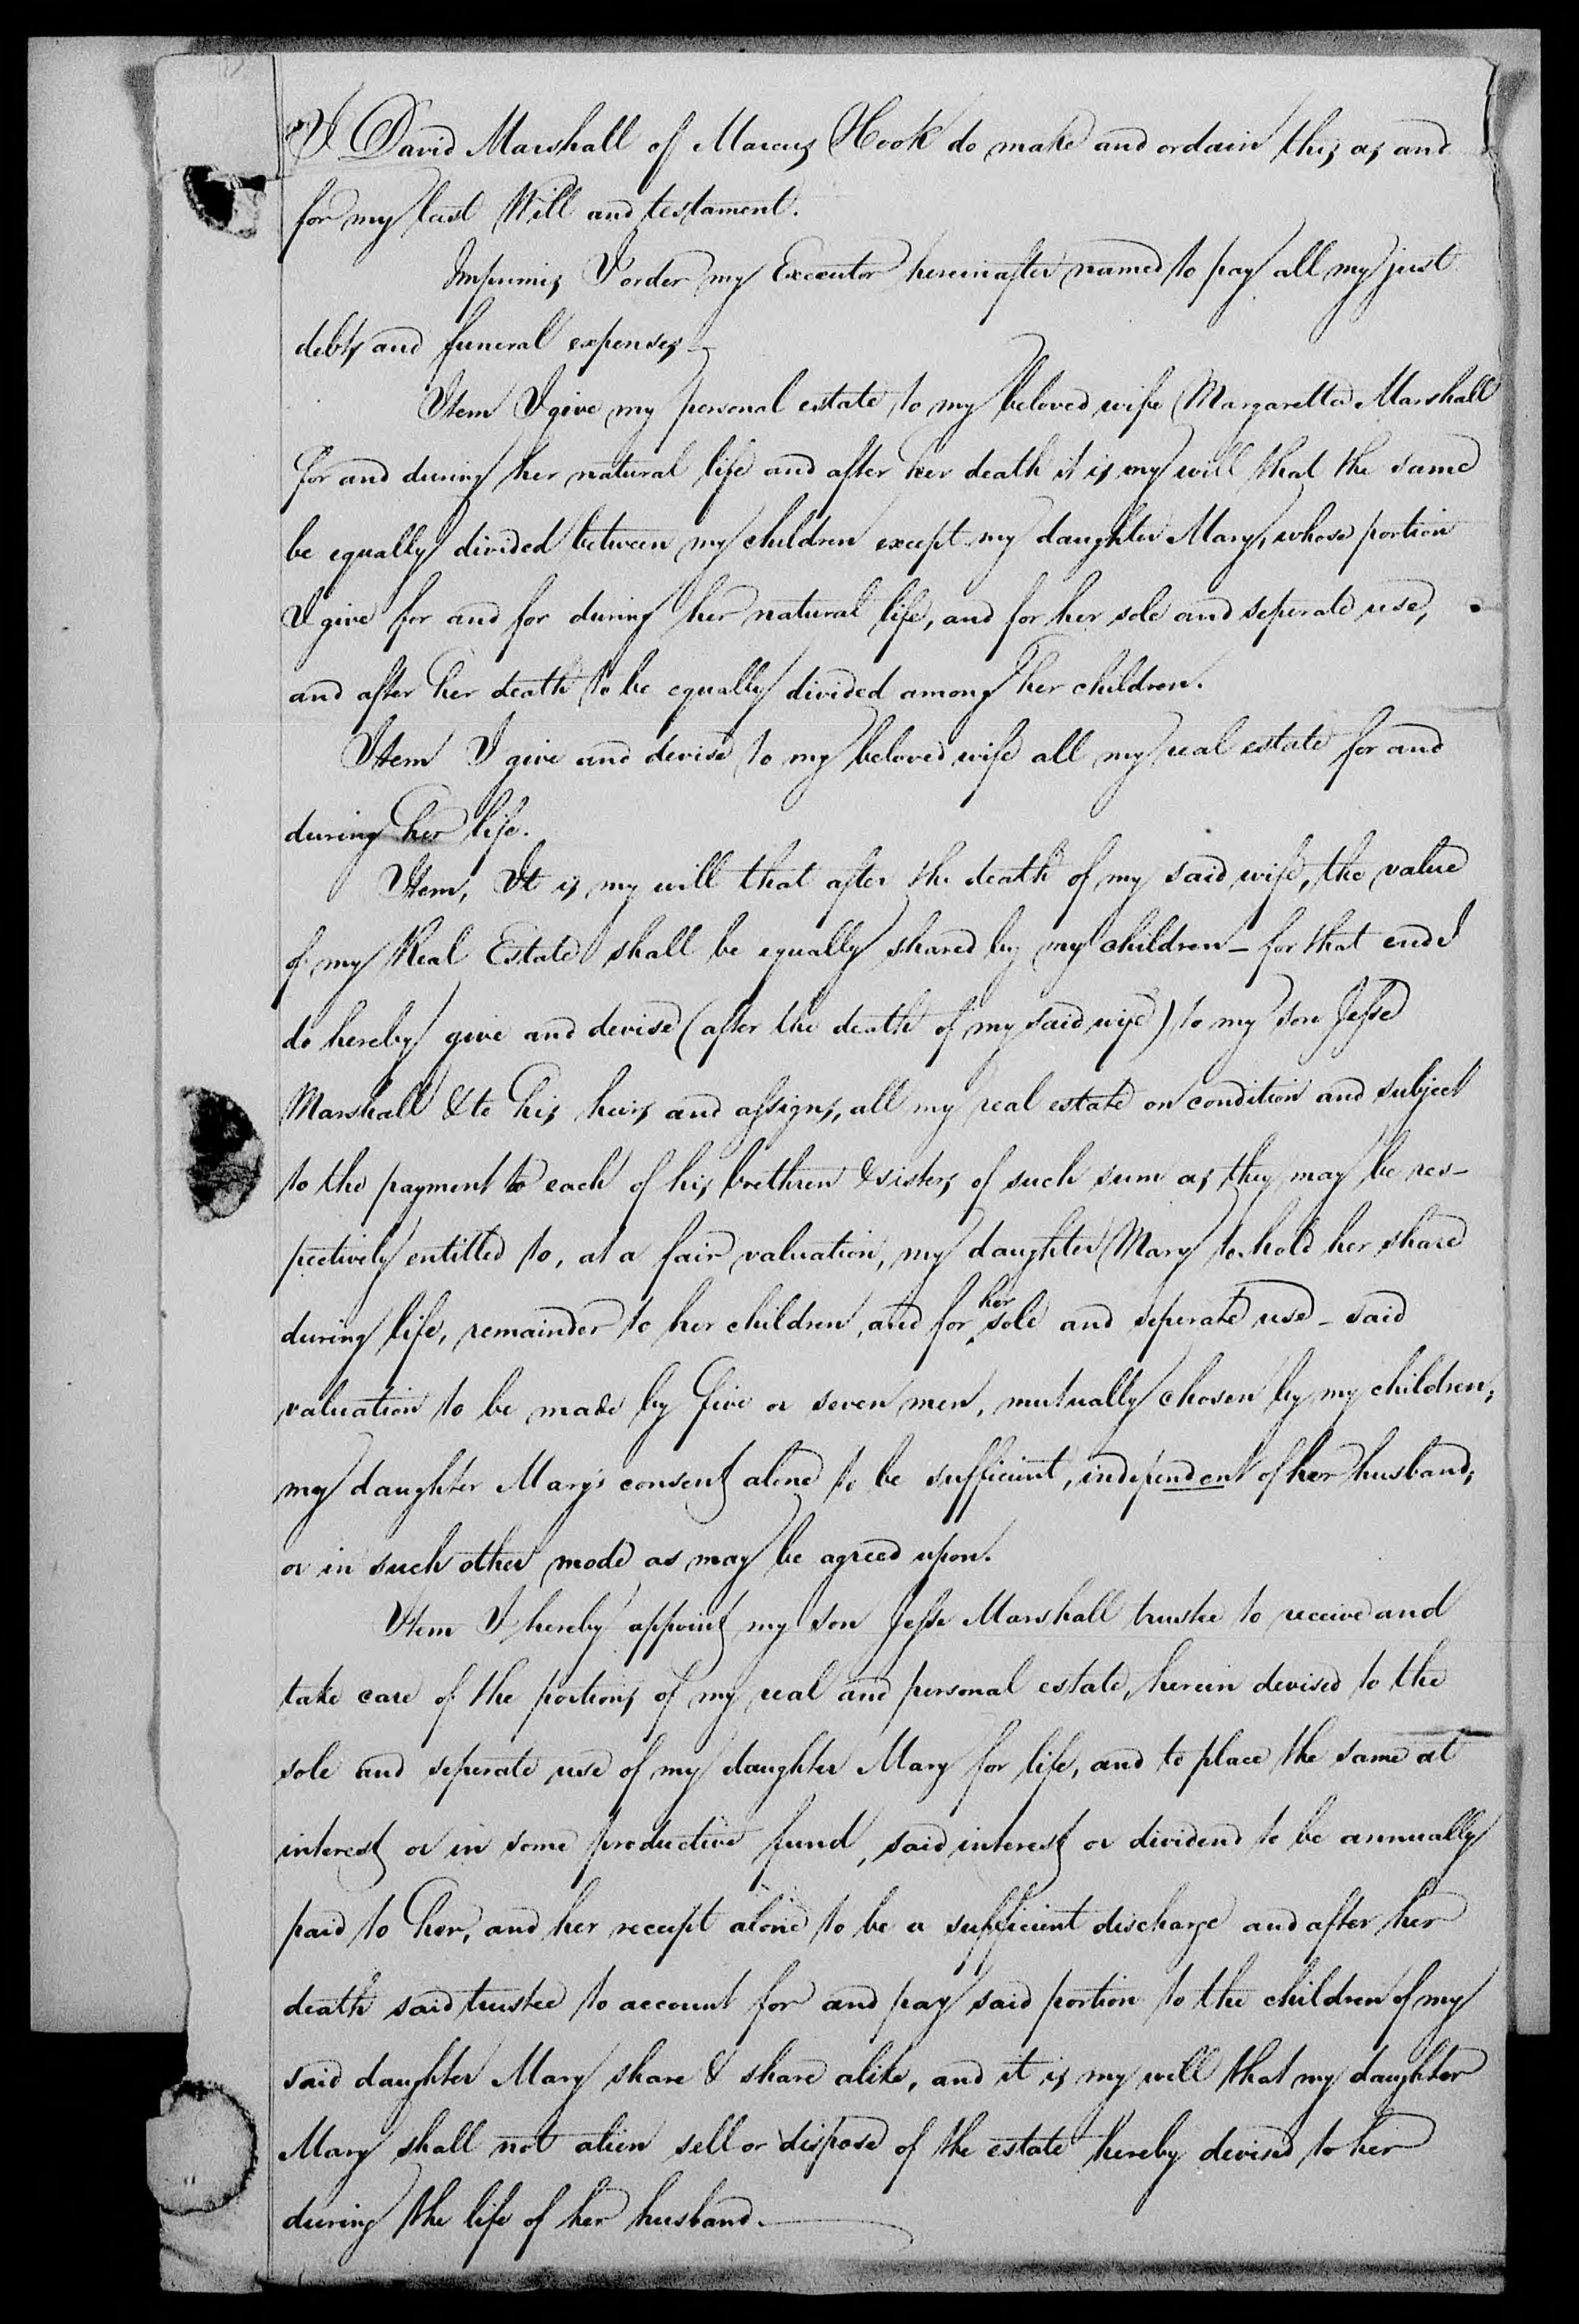I David Marshal of Marcus Hook do make and ordain this as and for my last will and testament. 
[illegible] I order my Executor hereinafter name to pay all my just debts and funeral expenses.

Item I give my personal estate to my beloved wife (Margaretta) Marshall for and during her natural life and after her death it is my will that the same be equally divided between my children except my daughter Mary, whose portion I give for and for during her natural life, and for her sole and seperate use, and after her death to be equally divided among her children.

Item, It is my will that after the death of my said wife, the value from my Real Estate shall be equally shared by my children - for that ended do hereby give and divide (after the death of my said wife) to my son Jefse Marshall & to heirs and afsigns, all my real estate on condition and subject to the payment to each of his brethren existing of such sum as they may be respectively entitled to, at a fair valuation, my daughter Mary to hold her share during life, remainder to her children, and for her sole and separate [illegible] - said valuation to be made by five or seven men, mutually chosen by my children, my daughter Mary's consent alone to be sufficient, independent of her husband, or in such other mode as may be agreed upon.

Item I hereby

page: 11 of 86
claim: widow's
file: W. 3571, for David Marshall, Pennsylvania